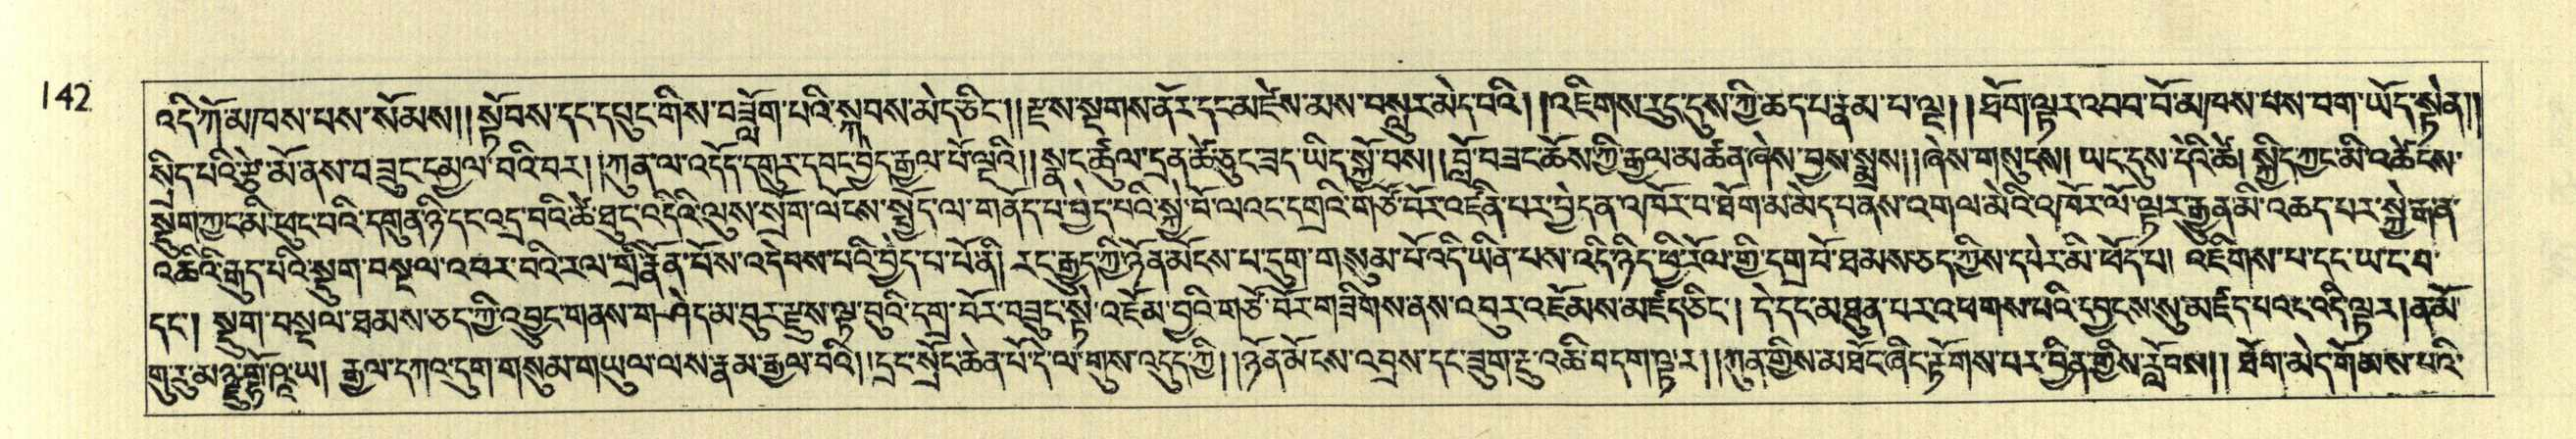འདི་ཀོ་མཁས་པས་སོམས། །སྟོབས་དང་དཔུང་གིས་བཟློག་པའི་སྐབས་མེད་ཅིང་། །རྩས་སྔགས་ནོར་དང་མཛེས་མས་བསླུར་མེད་བའི། །འཇིགས་རུང་དུས་ཀྱི་ཆད་པ་རྣམ་པ་ལྔ། །ཐོག་ལྟར་འབབ་བོ་མཁས་པས་བག་ཡོད་སྟེན། །
སྲིད་པའི་རྩེ་མོ་ནས་བཟུང་དམྱལ་བའི་བར། །ཀུན་ལ་འདོད་དགུར་དབང་བྱེད་རྒྱལ་པོ་ལྔའི། །སྣང་ཚུལ་དྲན་ཚེ་ཅུང་ཟད་ཡིད་སྐྱོ་བས། བློ་བཟང་ཆོས་ཀྱི་རྒྱལ་མཚན་ཞེས་བྱས་སྨྲས། །ཞེས་གསུངས། ཡང་དུས་དེའི་ཚེ། སྐྱིད་ཀྱང་མི་འཚེངས་
སྡུག་ཀྱང་མི་ཕུང་བའི་དགུན་ཉི་དང་འདྲ་བའི་ཚེ་ཐུང་འདིའི་ལུས་སྲོག་ལོངས་སྤྱོད་ལ་གནོད་པ་བྱེད་པའི་སྐྱེ་བོ་ལའང་དགྲའི་གཙོ་བོར་འཛིན་པར་བྱེད་ན་འཁོར་བ་ཐོག་མ་མེད་པ་ནས་འགལ་མེའི་འཁོར་ལོ་ལྟར་རྒྱུན་མི་འཆད་པར་སྐྱེ་རྒན་
འཆིའི་རྒྱུད་པའི་སྡུག་བསྔལ་འབར་བའི་རལ་གྲི་རྣོན་པོས་འདེབས་པའི་བྱེད་པ་པོ་ནི། རང་རྒྱུད་ཀྱི་ཉོན་མོངས་པ་དུག་གསུམ་པོ་འདི་ཡིན་པས་འདི་ཉིད་ཕྱི་རོལ་གྱི་དགྲ་བོར་ཐམས་ཅད་ཀྱིས་དཔེར་མི་ཕོད་པ། འཇིགས་པ་དང་ཡ་ང་བ་
དང་། སྡུག་བསྔལ་ཐམས་ཅད་ཀྱི་འབྱུང་གནས་གཤེད་མ་བུར་རྫུས་ལྟ་བུའི་དགྲ་བོར་བཟུང་སྟེ་འཇོམ་བྱའི་གཙོ་བོར་གཟིགས་ནས་འབུར་འཇོམས་མཛད་ཅིང་། དེ་དང་མཐུན་པར་འཕགས་པའི་དབྱངས་སུ་མཛད་པའང་འདི་ལྟར། ན་མོ་
གུ་རུ་མཉྫུ་གྷོ་ཥཱ་ཡ། རྒྱ་དཀའ་དུག་གསུམ་གཡུལ་ལས་རྣམ་རྒྱལ་བའི། །དང་སྲོང་ཆེན་པོ་དེ་ལ་གུས་འདུད་ཀྱི། །ཉོན་མོངས་འབྲས་དང་ཟུག་རྡུ་འཆི་བདག་ལྟར། །ཀུན་གྱིས་མཐོང་ཞིང་རྟོགས་པར་བྱིན་གྱིས་རློབས། །ཐོག་མེད་གོམས་པའི་